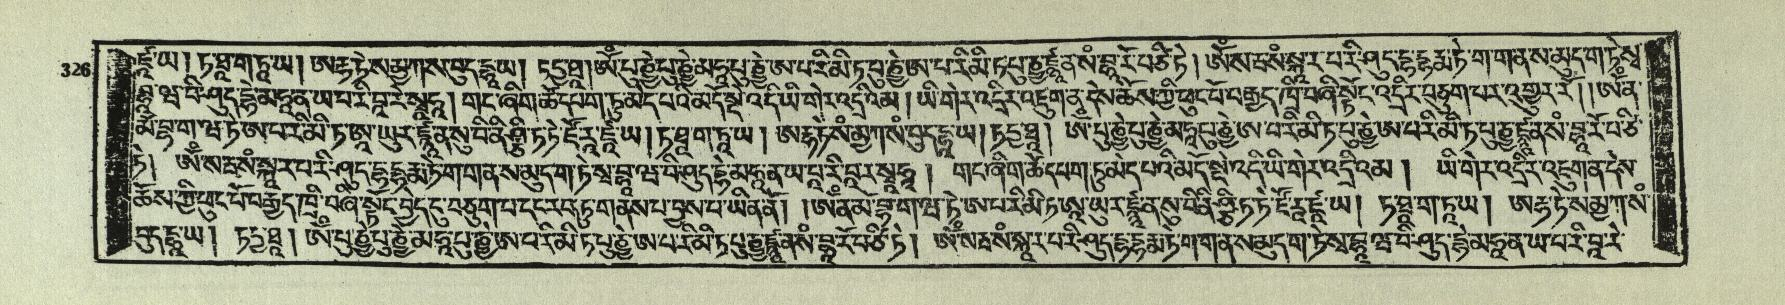ཛཱ་ཡ། ཏ་ཐཱ་ག་ཏཱ་ཡ། ཨརྷ་ཏེ་སམྱཀ་བུད་དྷཱ་ཡ། ཏདྱ་ཐཱ། ཨོཾ་པུ་ཎྱེ་པུ་ཎྱེ་མཧཱ་པུ་ཎྱེ་ཨ་པ་རི་མི་ཏ་པུ་ཎྱེ་ཨ་པ་རི་མི་ཏུ་པུ་ཎྱེ་ཨ་པ་རི་མི་ཏ་པུ་ཎྱ་ཛྙཱ་ན་སཾ་བྷཱ་རོ་པ་ཙི་ཏེ། ཨོཾ་སརྦ་སཾ་སྐཱ་ར་པ་རི་ཤུད་དྷ་དྷརྨ་ཏ་ག་ག་ན་ས་མུད་ག་ཏེ་སྭ་
བྷཱ་ཝ་བི་ཤུད་དྷེ་མཧཱ་ན་ཡ་པ་རི་བཱ་རེ་སྭཱཧཱ། གང་ཞིག་ཚེ་དཔག་ཏུ་མེད་པའི་མདོ་སྡེ་འདི་ཡི་གེར་འདྲི་འམ། ཡི་གེར་འདྲིར་འཇུག་ན་དེས་ཆོས་ཀྱི་ཕུང་པོ་བརྒྱད་ཁྲི་བཞི་སྟོང་འདྲིར་བཅུག་པར་འགྱུར་རོ། །ཨོཾ་ན་
མོ་བྷ་ག་ཝ་ཏེ་ཨ་པ་རི་མི་ཏ་ཨཱ་ཡུར་ཛྙཱ་ན་སུ་བི་ནི་ཤྩི་ཏ་ཏེ་ཛོ་རཱ་ཛཱ་ཡ། ཏ་ཐཱ་ག་ཏཱ་ཡ། ཨརྷ་ཏེ་སཾ་མྱཀ་སཾ་བུད་དྷཱ་ཡ། ཏདྱ་ཐཱ། ཨོཾ་པུ་ཎྱེ་པུ་ཎྱེ་མཧཱ་པུ་ཎྱེ་ཨ་པ་རི་མི་ཏ་པུ་ཎྱེ་ཨ་པ་རི་མི་ཏ་པུ་ཎྱྱ་ཛྙཱ་ན་སཾ་བྷཱ་རོ་པ་ཙི་
ཏེ། ཨོཾ་སརྦ་སཾ་སྐཱ་ར་པ་རི་ཤུད་དྷ་དྷརྨ་ཏེ་ག་ག་ན་ས་མུད་ག་ཏེ་སྭ་བྷཱ་ཝ་བི་ཤུད་དྷེ་མཧཱ་ན་ཡ་པཱ་རི་བཱ་ར་སྭཱཧཱ། གང་ཞིག་ཚེ་དཔག་ཏུ་མེད་པའི་མདོ་སྡེ་འདི་ཡི་གེར་འདྲི་འམ། ཡི་གེར་འདྲིར་འཇུག་ན་དེས་
ཆོས་ཀྱི་ཕུང་པོ་བརྒྱད་ཁྲི་བཞི་སྟོང་བྱེད་དུ་བཅུག་པ་དང་རབ་ཏུ་གནས་པ་བྱས་པ་ཡིན་ནོ། །ཨོཾ་ན་མོ་བྷ་ག་ཝ་ཏེ་ཨ་པ་རི་མི་ཏ་ཨཱ་ཡུར་ཛྙཱ་ན་སུ་བི་ནི་ཤྩི་ཏ་ཏེ་ཛོ་རཱ་ཛཱ་ཡ། ཏ་ཐཱ་ག་ཏཱ་ཡ། ཨརྷ་ཏེ་སམྱཀ་སཾ་
བུད་དྷཱ་ཡ། ཏདྱ་ཐཱ། ཨོཾ་པུ་ཎྱེ་པུ་ཎྱེ་མཧཱ་པུ་ཎྱེ་ཨ་པ་རི་མི་ཏ་པུ་ཎྱེ་ཨ་པ་རི་མི་ཏ་པུ་ཎྱ་ཛྙཱ་ན་སཾ་བྷཱ་རོ་པ་ཙི་ཏེ། ཨོཾ་སརྦ་སཾ་སྐཱ་ར་པ་རི་ཤད་དྷ་དྷརྨ་ཏེ་ག་ག་ན་ས་མུད་ག་ཏེ་སྭ་བྷཱ་ཝ་བི་ཤུད་དྷེ་མཧཱ་ན་ཡ་པ་རི་བཱ་རེ་